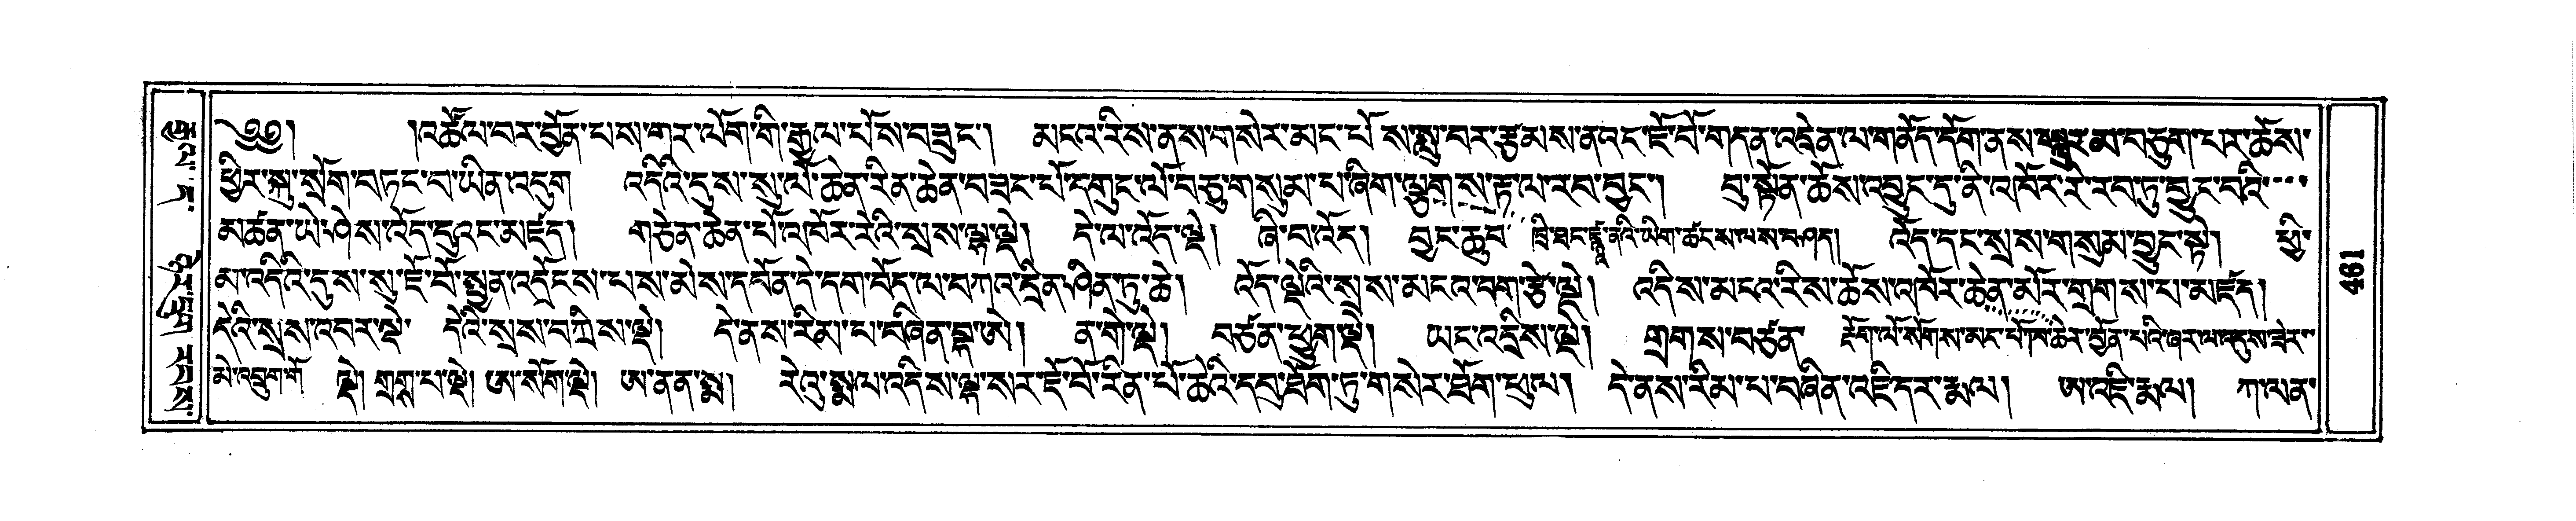༄༅། །འཚོལ་བར་བྱོན་པས་གར་ལོག་གི་རྒྱལ་པོས་བཟུང་། མངའ་རིས་ནས་གསེར་མང་པོས་སླུ་བར་རྩམས་ནའང་ཇོ་བོ་གདན་འདྲེན་ལ་གནོད་དོག་ནས་བསླུར་མ་བཅུག་པར་ཆོས་
ཕྱིར་སྐུ་སྲོག་བཏང་བ་ཡིན་འདུག་འདིའི་དུས་སུ་ལོ་ཆེན་རིན་ཆེན་བཟང་པོ་དགུང་ལོ་བཅུ་གསུམ་པ་ཞིག་ལྕགས་རྟ་ལ་རབ་བྱང་། བུ་སྟོན་ཆོས་འབྱུང་དུ་ནི་འཁོར་རེ་རབ་ཏུ་བྱུང་བའི་
མཚན་ཡེ་ཤེས་འོད་དུའང་མཛད། གཅེན་ཆེན་པོ་འཁོར་རེའི་སྲས་ལྷ་ལྡེ། དེ་ལ་འོད་ལྡེ། ཞི་བ་འོད། བྱང་ཆུབ་ཁྲི་ཐང་ཛྙཱ་ནའི་ཡིག་ཚངས་ལས་བཤད།  འོད་དང་སྲས་གསུམ་བྱུང་སྟེ། ཕྱི་
མ་འདིའི་དུས་སུ་ཇོ་བོ་སྤྱན་འདྲོངས་པས་མེས་དབོན་དེ་དག་བོད་ལ་བཀའ་དྲིན་ཤིན་ཏུ་ཆེ། འོད་ལྡེའི་སྲས་མངའ་བག་རྩེ་ལྡེ། འདིས་མངའ་རིས་ཆོས་འཁོར་ཆེན་མོར་གྲགས་པ་མཛད།
དེའི་སྲས་འབར་སྡེ་དེའི་སྲས་བཀྲིས་ལྡེ། དེ་ནས་རིམ་པ་བཞིན་བྷ་ཨེ། ན་གེ་ལྡེ། བཙན་ཕྱུག་ལྡེ། ཡང་འདྲིས་ལྡེ། གྲགས་བཙན། རྔོག་ལོ་སོགས་མང་པོ་ཁ་ཆེར་བྱོན་པའི་ཞར་ལ་འདུས་ཟེར་
མེ་འབྲུག་གོ་ལྡེ། གྲགས་པ་ལྡེ། ཨ་སོག་ལྡེ། ཨ་ནན་སྨ། རེའུ་སྨལ་འདིས་ལྷ་སར་ཇོ་བོ་རིན་པོ་ཆེའི་དབུ་ཐོག་ཏུ་གསེར་ཐོག་ཕུལ། དེ་ནས་རིམ་པ་བཞིན་འཇི་དར་རྨལ། ཨ་འཇི་རྨལ། ཀ་ལན་